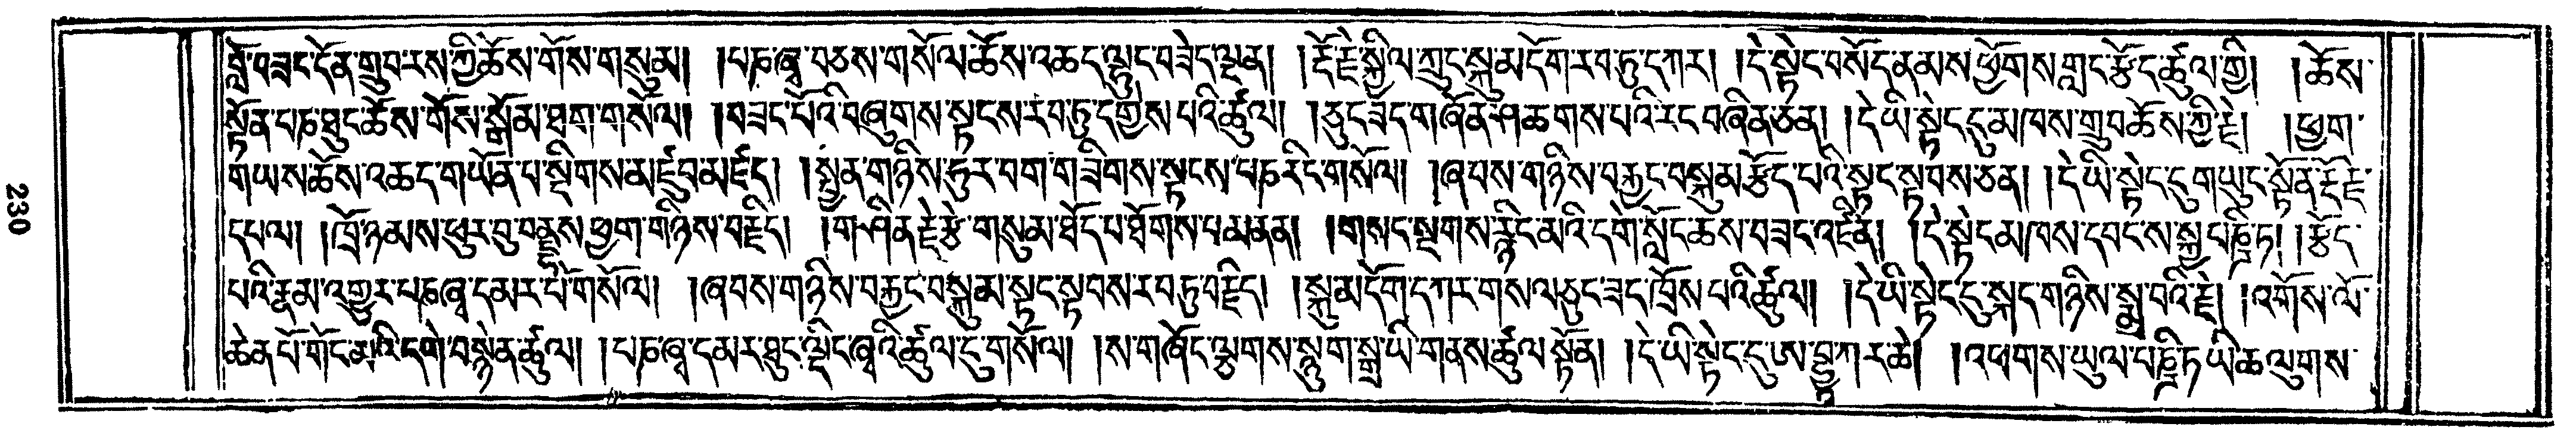བློ་བཟང་དོན་གྲུབ་རས་ཀྱི་ཆོས་གོས་གསུམ། །པཎ་ཞྭ་བཅས་གསོལ་ཆོས་འཆད་ལྷུང་བཟེད་ལྡན། །རྡོ་རྗེ་སྐྱིལ་ཀྲུང་སྐུ་མདོག་རབ་ཏུ་དཀར། །དེ་སྟེང་བསོད་ནམས་ཕྱོགས་གླང་རྩོད་ཚུལ་གྱི། །ཆོས་
སྟོན་པཎ་ཐུང་ཆོས་གོས་སྒོམ་ཐག་གསོལ། །བཟང་པོའི་བཞུགས་སྟངས་རབ་ཏུ་དགྱེས་པའི་ཚུལ། །ཅུང་ཟད་གཞོན་ཤ་ཆགས་པའི་རང་བཞིན་ཅན། །དེ་ཡི་སྟེང་དུ་མཁས་གྲུབ་ཆོས་ཀྱི་རྗེ། །ཕྱག་
གཡས་ཆོས་འཆད་གཡོན་པ་སྡིགས་མཛུབ་མཛད། །སྤྱན་གཉིས་ཧུར་བག་གཟིགས་སྟངས་པཎ་རིང་གསོལ། །ཞབས་གཉིས་བརྐྱང་བསྐུམ་རྩོད་པའི་སྟང་སྟབས་ཅན། །དེ་ཡི་སྟེང་དུ་གཡུང་སྟོན་རྡོ་རྗེ་
དཔལ། །ཁྲོ་ཉམས་ཕུར་བུ་བནྡྷས་ཕྱག་གཉིས་བརྗིད། །གཤིན་རྗེ་རྩེ་གསུམ་ཐོད་པ་ཐོགས་པ་མནན། །གསང་སྔགས་རྙིང་མའི་དགེ་སློང་ཆས་བཟང་འཛིན། །དེ་སྟེང་མཁས་དབང་ས་སྐྱ་པཎྜི་ཏ། །རྩོད་
པའི་རྣམ་འགྱུར་པཎ་ཞྭ་དམར་པོ་གསོལ། །ཞབས་གཉིས་བརྐྱང་བསྐུམ་སྟང་སྟབས་རབ་ཏུ་བརྗིད། །སྐུ་མདོག་དཀར་གསལ་ཅུང་ཟད་ཁྲོས་པའི་ཚུལ། །དེ་ཡི་སྟེང་དུ་སྐད་གཉིས་སྨྲ་བའི་རྗེ། །འགོས་ལོ་
ཆེན་པོ་གོང་མའི་དགེ་བསྙེན་ཚུལ། །པཎ་ཞྭ་དམར་ཐུང་ལྡིང་ཞྭའི་ཚུལ་དུ་གསོལ། །ས་གཞོང་ལྕགས་སྙུག་སྒྲ་ཡི་གནས་ཚུལ་སྟོན། །དེ་ཡི་སྟེང་དུ་ཨ་བྷྱཱ་ཀ་ར་ཆེ། །འཕགས་ཡུལ་པཎྜི་ཏ་ཡི་ཆ་ལུགས་